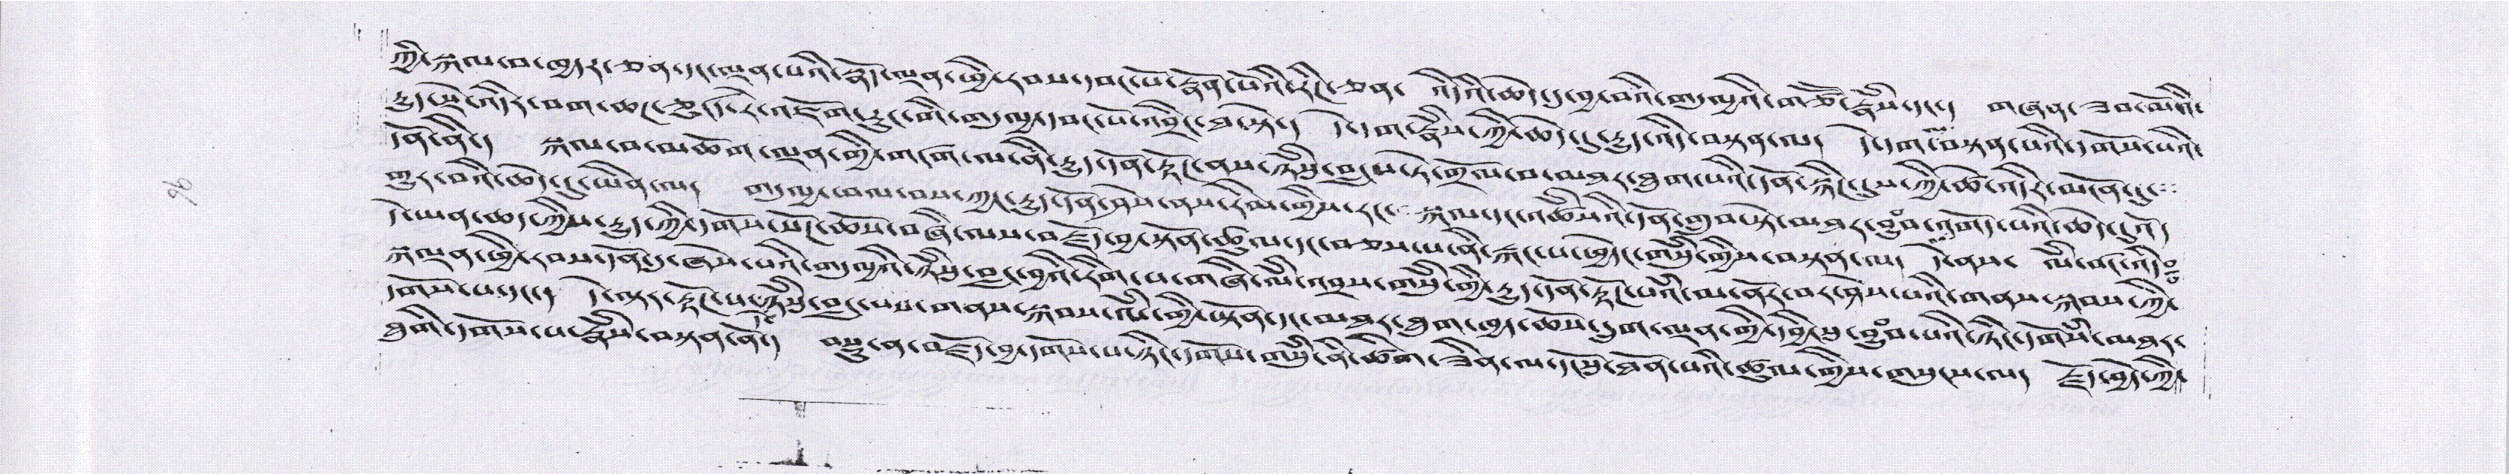ཀྱི་སྐལ་པ་ཁྱད་པར་ཅན་དང་ལྡན་པའི་སྣོད་ལྡན་ཕྱི་རབས་དབང་པོ་རྣོན་པོའི་རིགས་ཅན། འདིའི་ཆེད་དུ་བྱ་བའི་གདུལ་བྱའི་གཙོ་བོ་རྣམས་དང་། གཞན་ཟབ་མོའི་
རྒྱུད་སྡེ་འདིར་བག་ཆགས་ཅུང་ཟད་རེ་འཇོག་རུང་གི་དབང་པོ་འབྲིང་ཐ་སྟེ། དེ་དག་རྣམས་ཀྱི་ཆེད་དུ་རྒྱུད་འདི་བསྟན་ལ། དེ་དག་ལ་བསྟན་པའི་དགོས་པའི་
དོན་ནི། སྐལ་པ་མཆོག་ལྡན་གྱི་གང་ཟང་ལ་ནི་རྒྱུད་དོན་རྟོགས་ནས་ཉམས་སུ་བླང་སྟེ་གྲོལ་བ་མཐར་ཐུག་པའི་དོན་སྙིགས་དུས་ཀྱི་ཚེ་འདིར་མངོན་དུ་
གྱུར་པའི་ཆེད་དུ་ཡིན་ལ། གདུལ་བྱ་ཕལ་པས་ཀྱང་རྒྱུད་དོན་ཤེས་ནས་རིམ་གྱིས་རང་སྐལ་དང་འཚམས་པའི་དོན་གྲུབ་སྟེ་མཐར་བྱང་ཆུབ་ལ་འགོད་པའི་ཆེད་དུའོ། 
དེ་ཡན་ཆད་ཀྱིས་རྒྱུད་ཀྱི་དགོས་སོགས་ཆོས་བཞི་ལས་བརྗོད་བྱ་སྟོན་ཚུལ་དང་བཅས་པ་ནི་རྐང་པ་ཕྱེད་དང་གསུམ་གྱིས་བསྟན་ལ། དེ་ནས་ལམ་བཟང་འདིཿ 
སྐལ་ལྡན་ཕྱི་རབས་དོན་དུ་ཞེས་པའི་གདུལ་བྱའི་ཉམས་སུ་བླང་བྱའི་རིག་པ་གཞི་ལམ་འབྲས་གསུམ་གྱི་རྒྱུད་དོན་རྟོགས་པའམ་མ་ནོར་བ་ཤེས་པའི་གནས་སྐབས་ཀྱི་
དགོས་པ་དང་། དེ་ལྟར་རྟོགས་པ་དེ་ཉམས་སུ་བླང་བས་གནས་སྐབས་ལམ་གྱི་ཡོན་ཏན་དང་མཐར་ཐུག་ཁྱད་ཆོས་དྲུག་ལྡན་གྱི་དབྱིངས་སུ་བྱང་ཆུབ་པའི་ཉིང་དགོས་སམ་མཐར་
ཐུག་གི་དགོས་པ་རྣམས་བསྟན་ནོ། བསྡུ་ན་བརྗོད་བྱ་དགོས་པ་ཉིང་དགོས་གསུམ་ནི་ཚིག་ཟིན་ལ་དངོས་སུ་ཐོན་པའི་ཚུལ་གྱིས་གསུངས་ལ། རྗོད་བྱེད་ཀྱི་